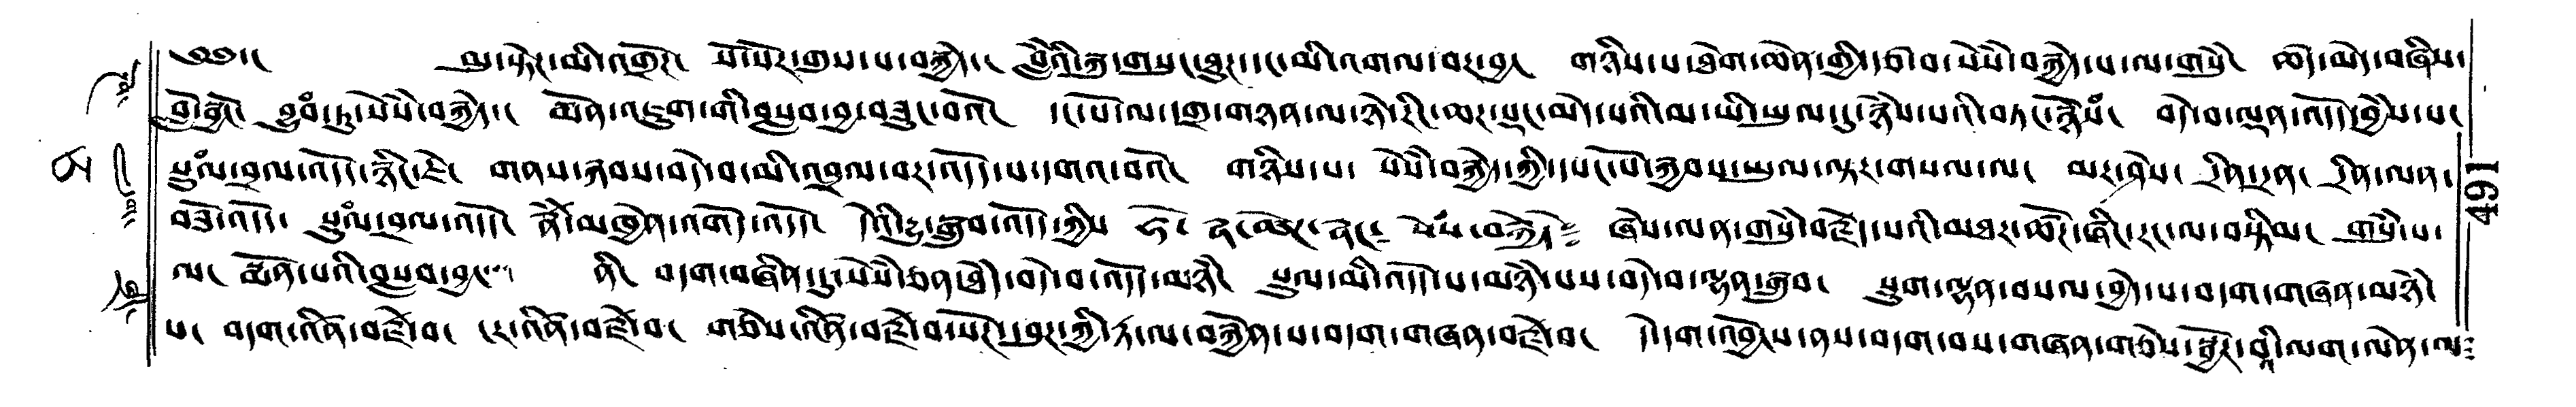མུ་སྟེགས་མི་འགྲོགས། སོ་སོར་གུས་པ་བསྐྱེད། བླ་མའི་སྐུ་གསུང་ཐུགས་དང་མི་འགལ་བར་བྱ། གཉིས་པ་ཐེག་ཆེན་གྱི་རྩ་བ་སེམས་བསྐྱེད་པ་ལ་གསུམ། ཚད་མེད་བཞིས་
བློ་སྦྱོང་། བྱང་ཆུབ་སེམས་བསྐྱེད། སྨོན་འཇུག་གི་བསླབ་བྱ་གཟུང་བའོ། དང་པོ་ལ་དགྲ་གཉེན་ལ་ཉེ་རིང་ཆགས་སྡང་མེད་པའི་མ་ཡི་ཡུལ་དུ་སྙམ་པའི་གཏང་སྙོམས། བདེ་བ་ལྡན་འདོད་བྱམས་པ་
སྡུག་བསྔལ་བྲལ་འདོད་སྙིང་རྗེ། གནས་སྐབས་བདེ་བ་མི་འབྲལ་བར་འདོད་པ་དགའ་བའོ། གཉིས་པ། སེམས་བསྐྱེད་ཀྱི་དཔང་པོ་སྐྱབས་ཡུལ་ལྟར་གསལ་ལ། མར་ཤེས། དྲིན་དྲན། དྲིན་ལན་
བཟོ་འདོད། སྡུག་བསྔལ་བྲལ་འདོད། རྣམ་མཁྱེན་འགོད་འདོད། དེའི་རྒྱུ་སྒྲུབ་འདོད་ཀྱིས། ཧོཿ སྣ་ཚོགས་སྣང༴ སེམས་བསྐྱེད་དོ༔ ཞེས་ལན་གསུམ་བརྗོད་པའི་མཐར་ཚོགས་ཞིང་རང་ལ་བསྟིམ། གསུམ་པ་
ལ། སྨོན་པའི་བསླབ་བྱ་ནི། བདག་བཞིན་དུ་སེམས་ཅན་ཐམས་ཅད་བདེ་བ་འདོད་མཉམ། སྡུག་བསྔལ་མི་འདོད་པ་མཉམ་པས་བདེ་བ་ལྷན་སྒྲུབ། སྡུག་ལྷན་བསལ་བྱེད་པ་བདག་གཞན་མཉམ་
པ། བདག་འཛིན་བརྗེ་བ། ངར་འཛིན་བརྗེ་བ། གཅེས་འཛིན་བརྗེ་བ་སོགས་དབུགས་ཀྱི་རྟ་ལ་བསྐྱོན་པ་བདག་གཞན་བརྗེ་བ། དེ་དག་འབྱོངས་ནས་བདག་བས་གཞན་གཅེས་སྦྱོར་བའི་ལག་ལེན་ལ་